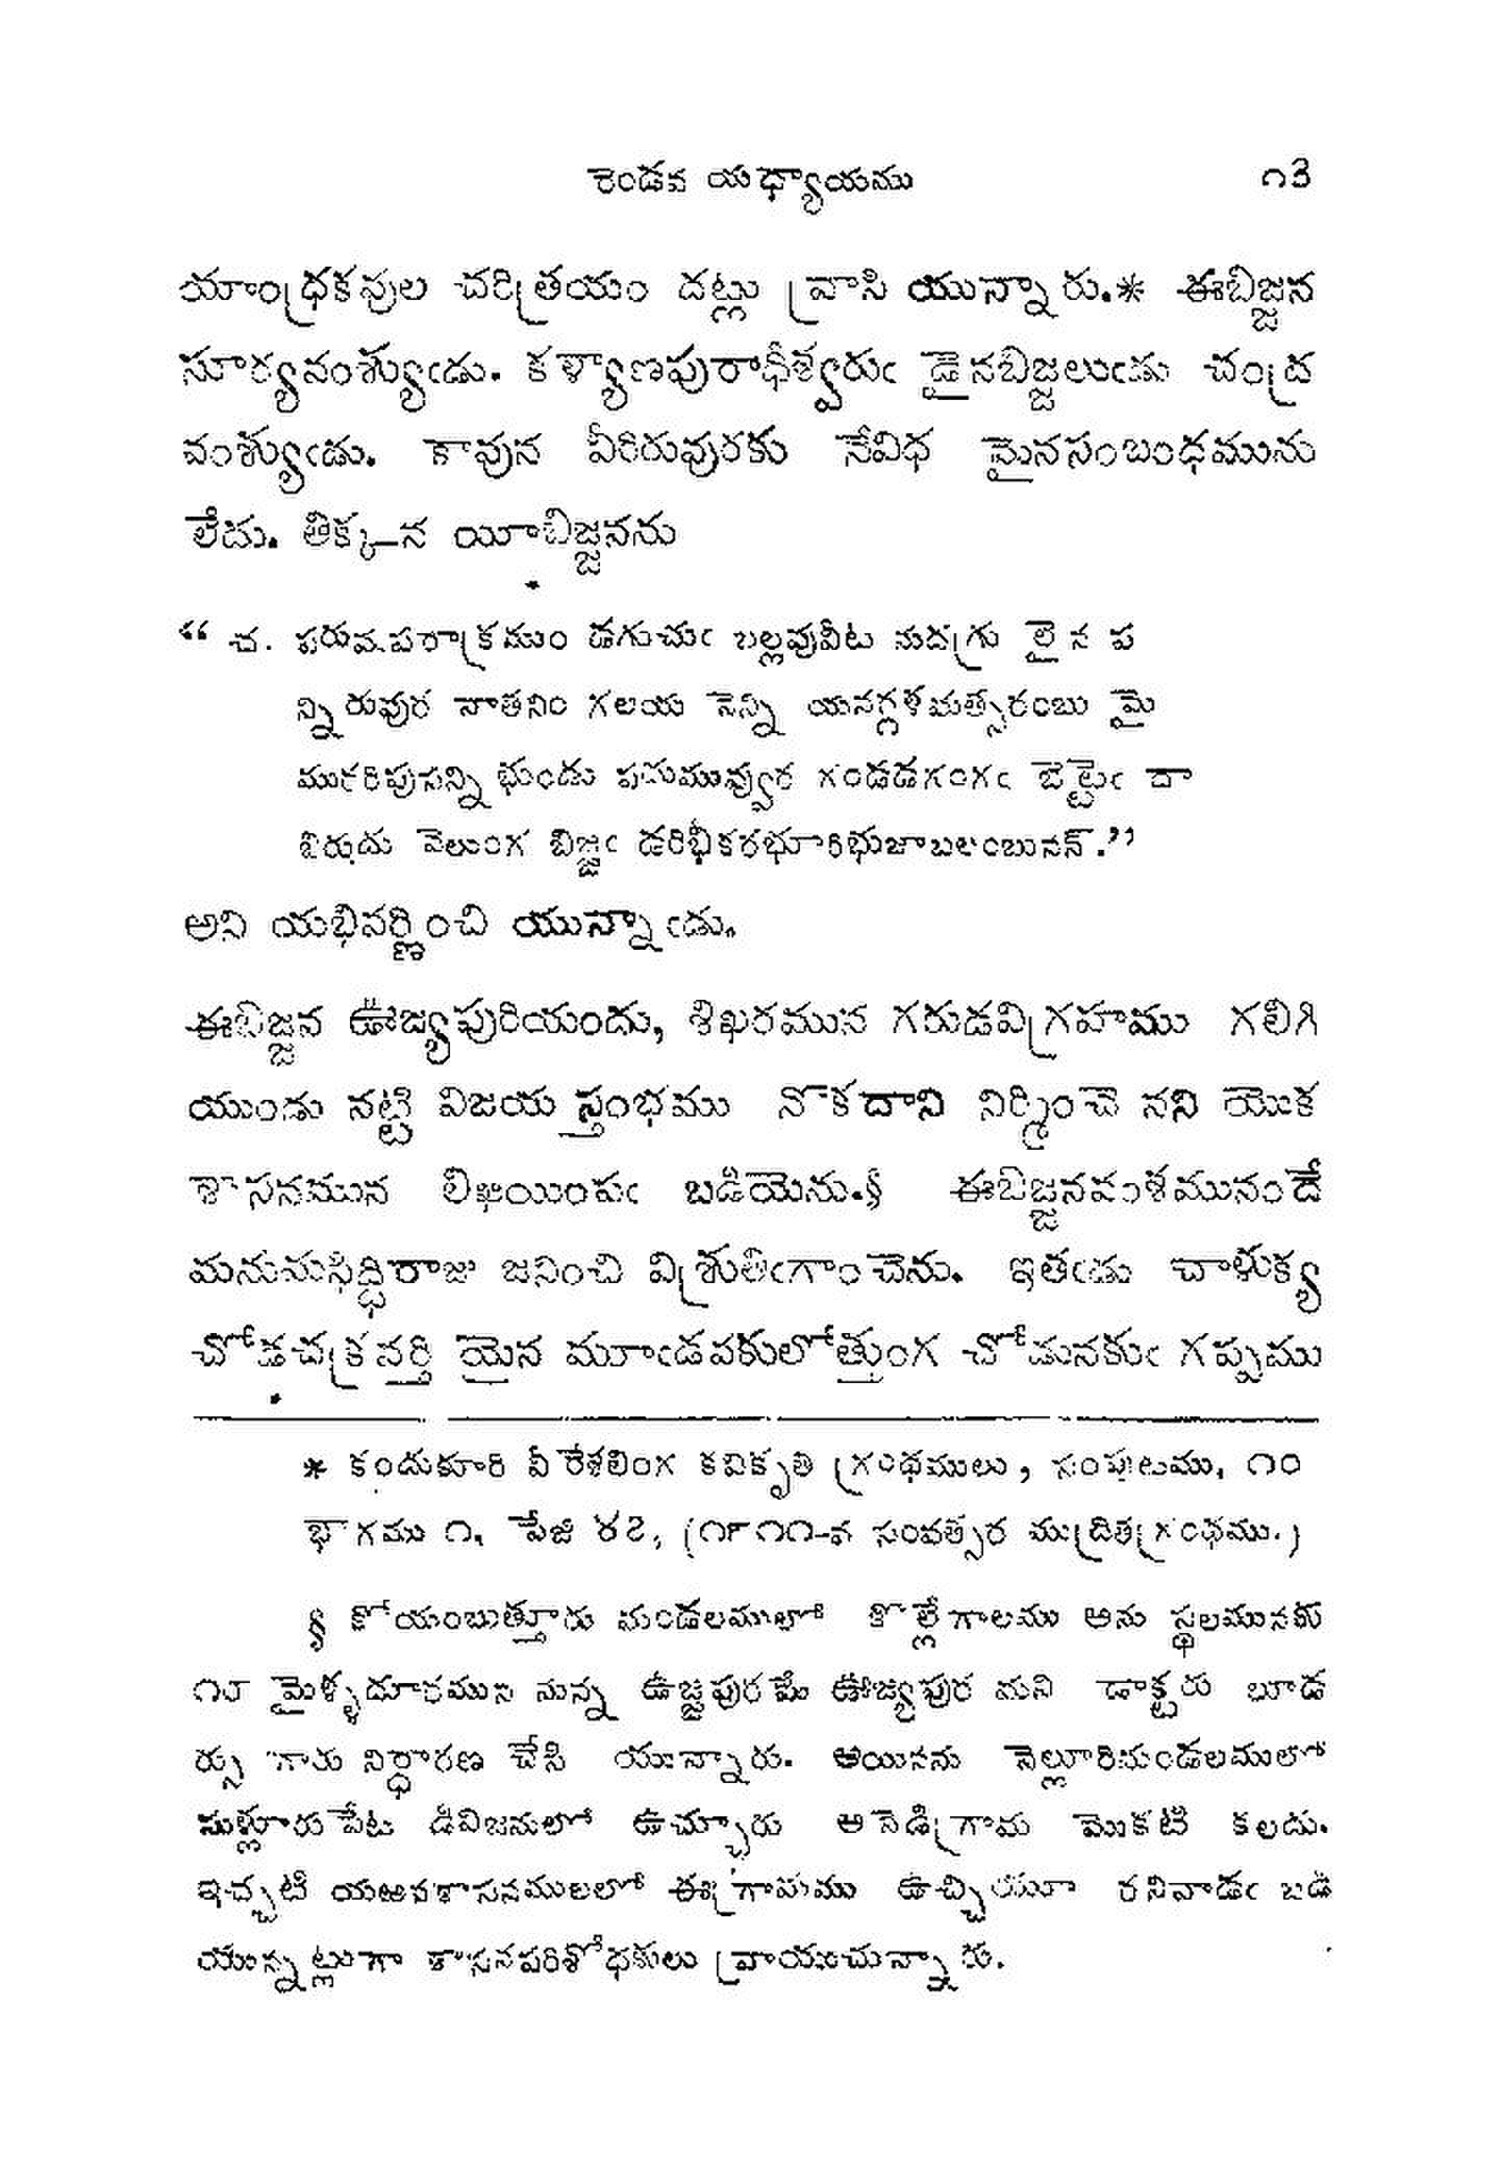యాంధ్రకవుల చరిత్రయం దట్లు వ్రాసి యున్నారు.ఈబిజ్జన సూర్యవంశ్యుఁడు. కళ్యాణపురాధీశ్వరుఁ డైనబిజ్జలుఁడు చంద్ర వంశ్యుఁడు. కావున వీరిరువురకు నేవిధ మైనసంబంధమును లేదు. తిక్కన యీబిజ్జనను 

"చ. పరుషపరాక్రముం డగుచుఁ బల్లవువీట నుదగ్రు లైన ప
 న్నిరువురు నాతనిం గలయ నెన్ని యనర్గళమత్సరంబు మై 
 మురరిపుసన్ని భుండు పదుమువ్వుర గండడగంగఁ బెట్టెఁ దా
 బిరుదు వెలుంగ బిజ్జఁ డరిభీకరభూరిభుజాబలంబునన్." 
అని యభివర్ణించి యున్నాఁడు. 

ఈబిజ్జన ఊజ్యపురియందు, శిఖరమున గరుడవిగ్రహము గలిగి యుండు నట్టి విజయస్తంభము నొకదాని నిర్మించె నని యొక శాసనమున లిఖియింపఁ బడియెను. ఈబిజ్జనవంశమునందే మనుమసిద్దిరాజు జనించి విశ్రుతిఁగాంచెను. ఇతఁడు చాళుక్య చోడచక్రవర్తి యైన మూఁడవకులోత్తుంగ చోడునకుఁ గప్పము